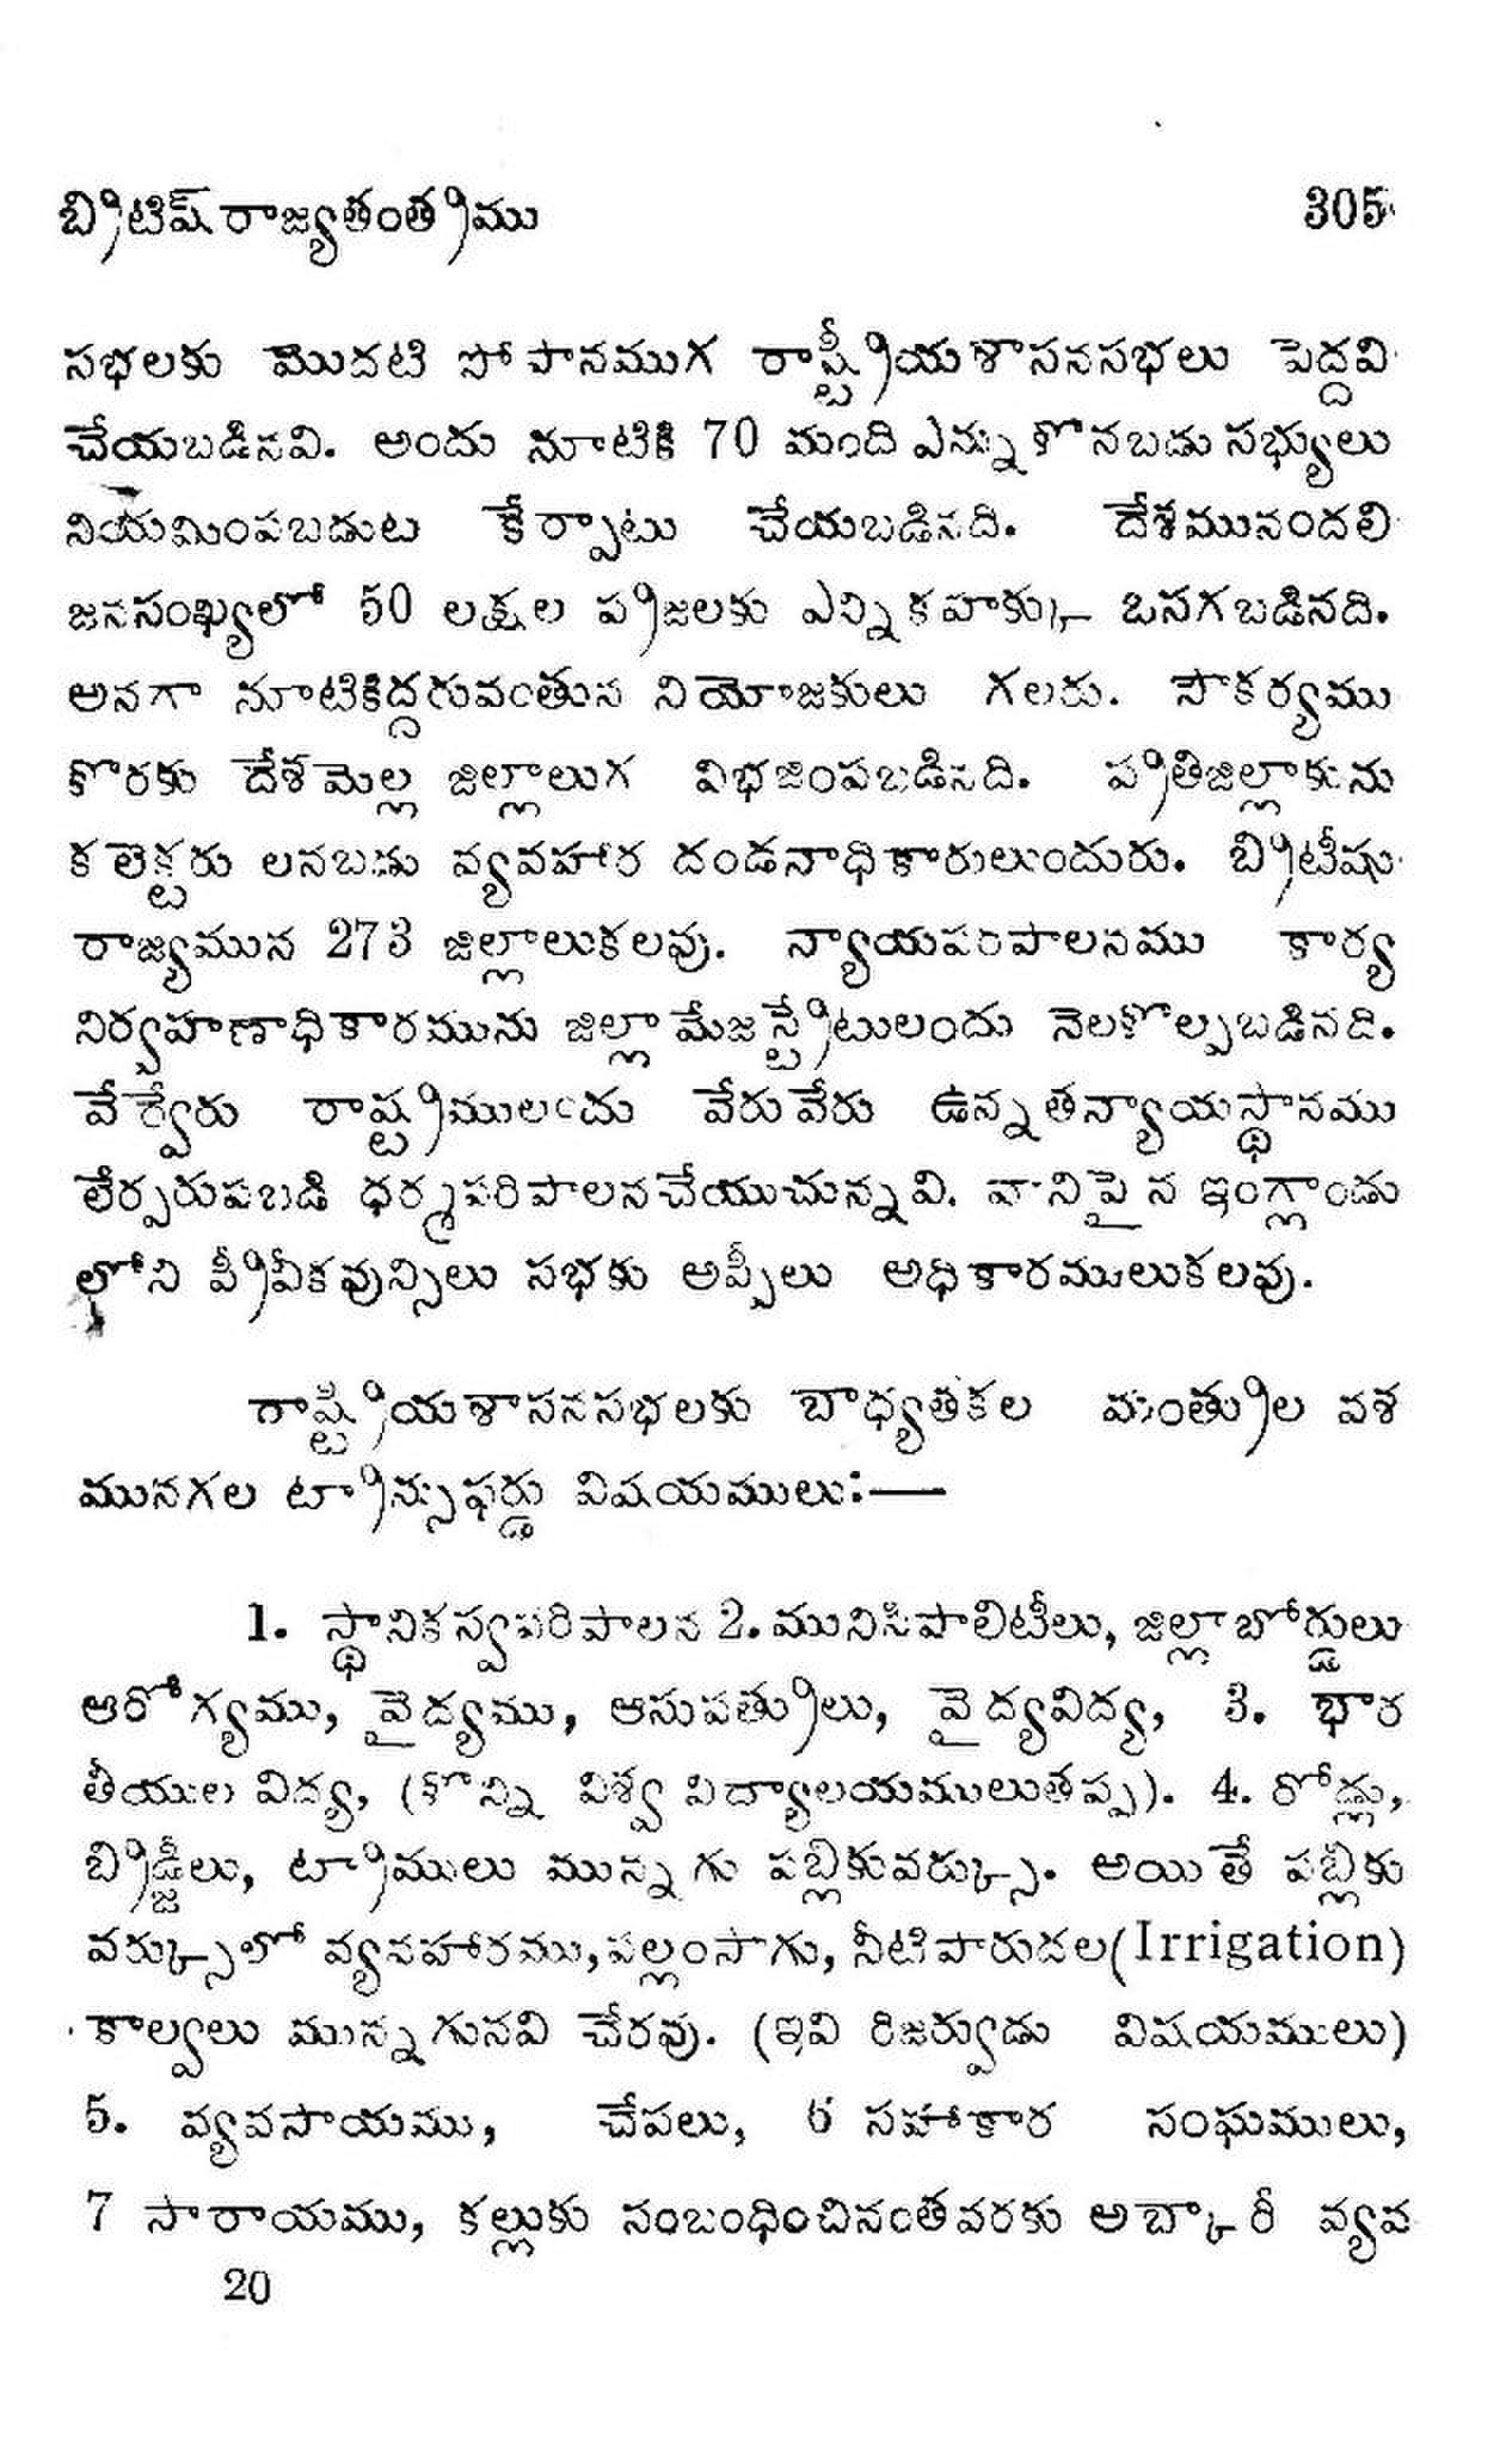సభలకు మొదటి సోపానముగ రాష్ట్రీయశాసనసభలు పెద్దవి చేయబడినవి. అందు నూటికి 70 మంది ఎన్నుకొనబడు సభ్యులు నియమింపబడుట కేర్పాటు చేయబడినది. దేశమునందలి జనసంఖ్యలో 50 లక్షల ప్రజలకు ఎన్నికహక్కు ఒసగబడినది. అనగా నూటికిద్దరువంతుస నియోజకులు గలరు. సౌకర్యముకొరకు దేశమెల్ల జిల్లాలుగ విభజింపబడినది. ప్రతిజిల్లాకును కలెక్టరు లనబడు వ్యవహార దండనాధికారులుందురు. బ్రిటీషు రాజ్యమున 273 జిల్లాలుకలవు. న్యాయపరిపాలనము కార్య నిర్వహణాధికారమును జిల్లా మేజస్ట్రేటులందు నెలకొల్పబడినది. వేర్వేరు రాష్ట్రములందు వేరువేరు ఉన్నతన్యాయస్థానము లేర్పరుపబడి ధర్మపరిపాలన చేయుచున్నవి. వానిపైన ఇంగ్లాండులోని ప్రీవీకవున్సిలు సభకు అప్పీలు అధికారములుకలవు.

రాష్ట్రియశాసనసభలకు బాధ్యతకల మంత్రుల వశమునగల ట్రాన్సుఫర్డు విషయములు:

1. స్థానికస్వపరిపాలన 2. మునిసిపాలిటీలు, జిల్లాబోర్డులు ఆరోగ్యము, వైద్యము, ఆసుపత్రులు, వైద్యవిద్య, 3. భారతీయులవిద్య, (కొన్ని విశ్వవిద్యాలయములుతప్ప). 4. రోడ్లు, బ్రిడ్జీలు, ట్రాములు మున్నగు పబ్లికువర్క్సు. అయితే పబ్లికువర్క్సులో వ్యవహారము, పల్లంసాగు, నీటిపారుదల(Irrigation) కాల్వలు మున్నగునవి చేరవు. (ఇవి రిజర్వుడు విషయములు) 5. వ్యవసాయము, చేపలు, 6 సహాకార సంఘములు, 7 సారాయము, కల్లుకు సంబంధించినంతవరకు అబ్కారీ వ్యవ